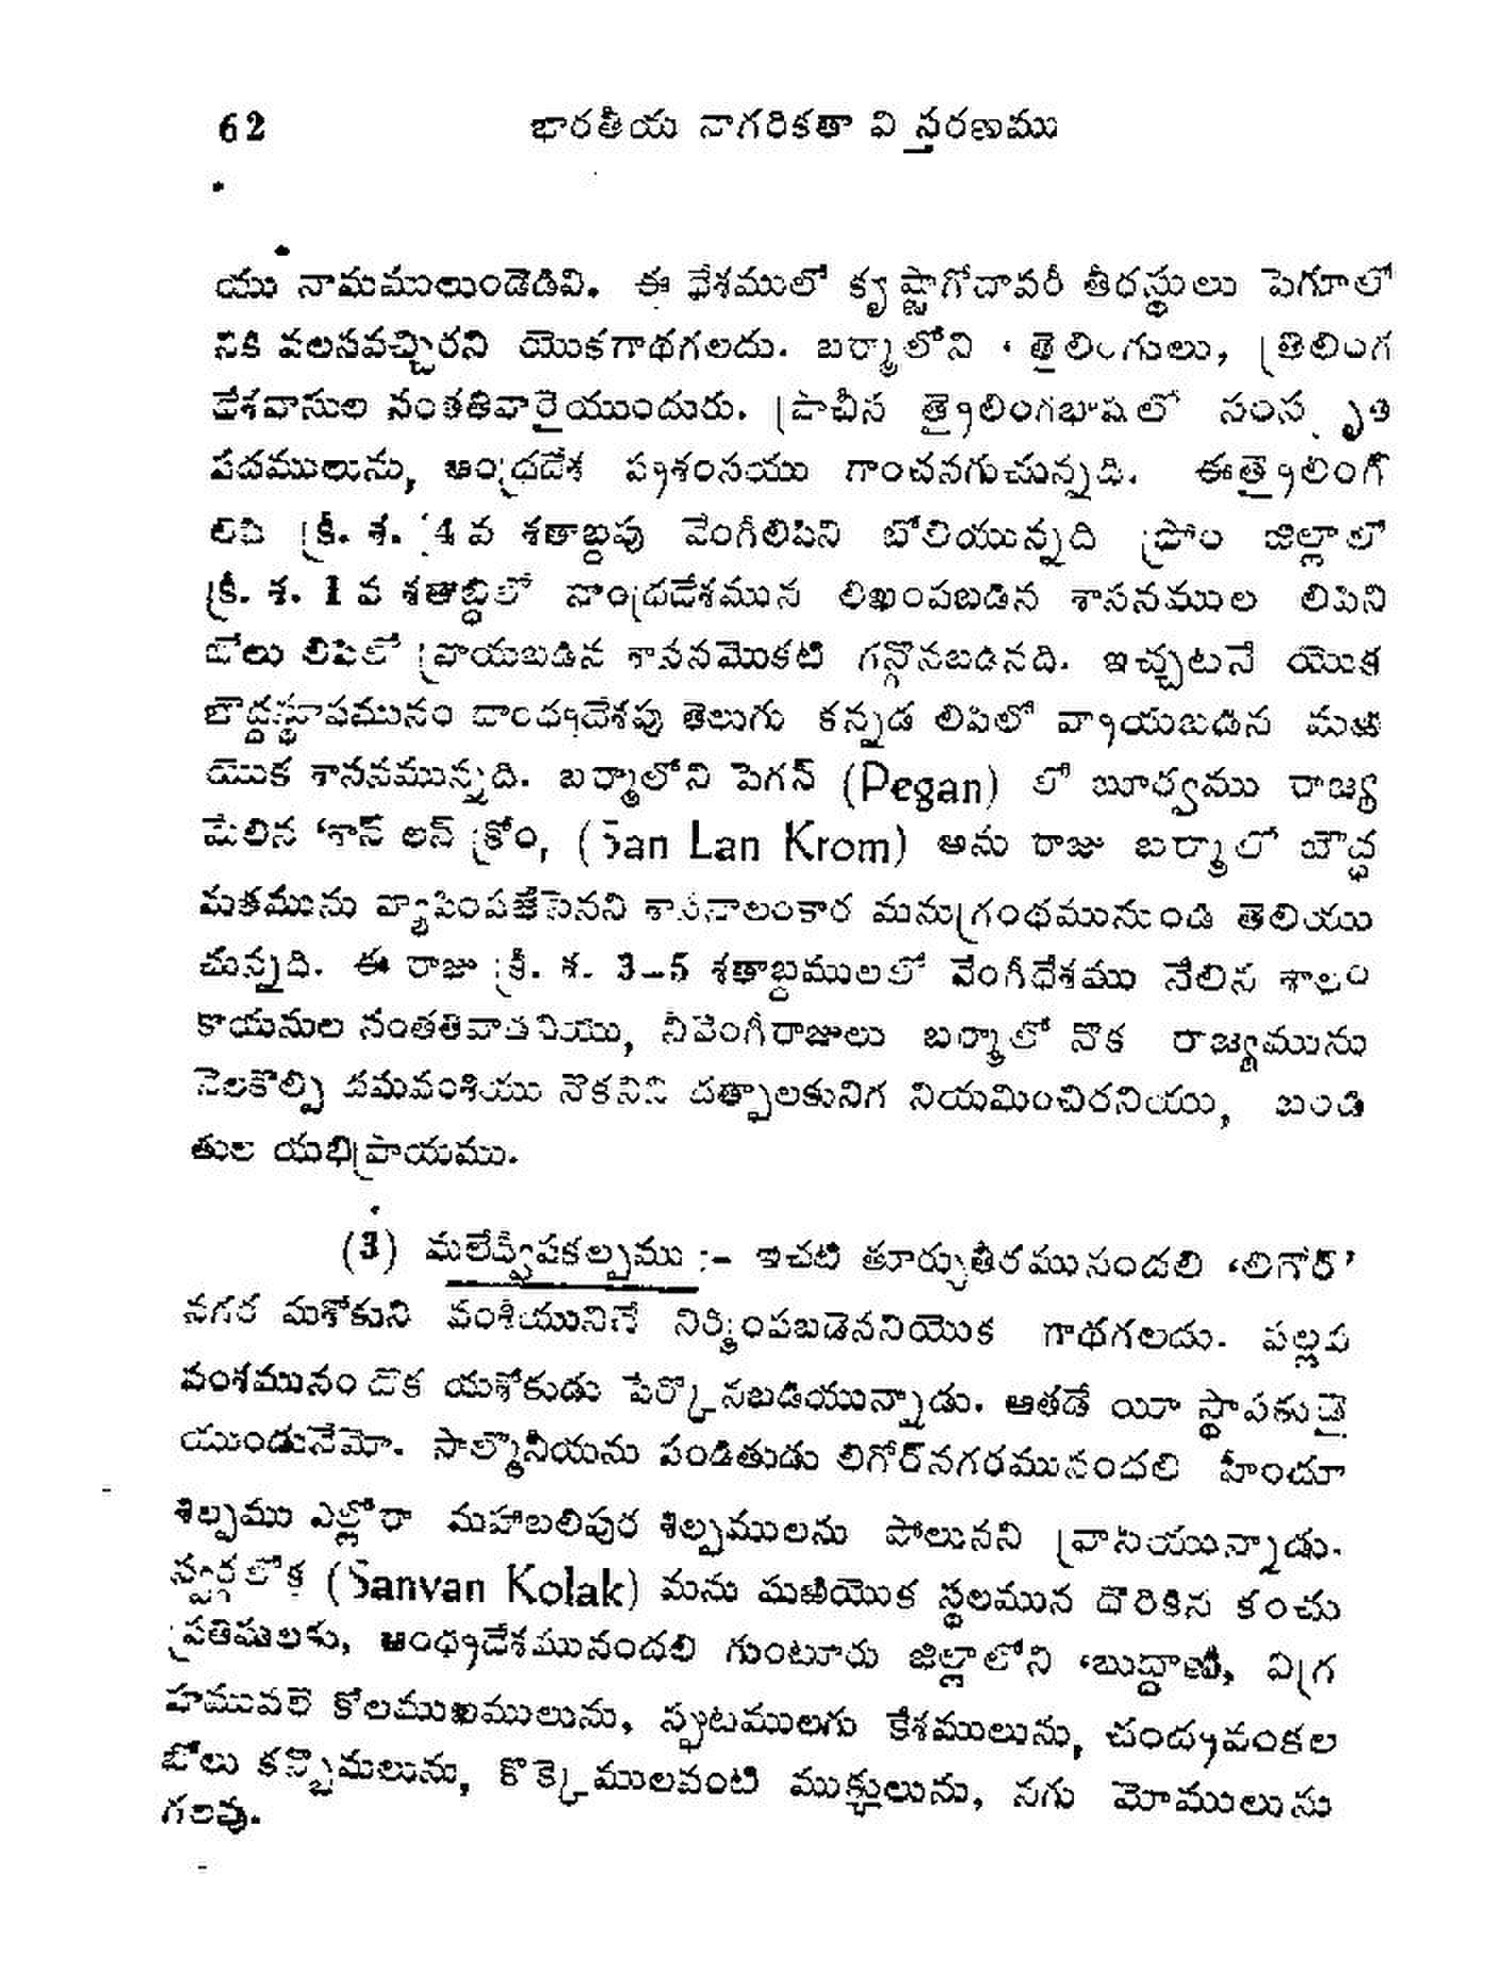యు నామములుండెడివి. ఈ దేశములో కృష్ణాగోదావరీ తీరస్థులు పెగూలోనికి వలసవచ్చిరని యొకగాథగలదు. బర్మాలోని 'త్రైలింగులు, త్రిలింగ దేశవాసుల సంతతివారైయుందురు. ప్రాచీన త్రైలింగభాషలో సంస్కృత పదములును, ఆంధ్రదేశ ప్రశంసయు గాంచనగుచున్నది. ఈత్రైలింగ్ లిపి క్రీ. శ. 4 వ శతాబ్దపు వేంగిలిపిని బోలియున్నది. ప్రోం జిల్లాలో క్రీ. శ. 1 వ శతాబ్దిలో నాంధ్రదేశమున లిఖింపబడిన శాసనముల లిపినిబోలు లిపిలో వ్రాయబడిన శాసనమొకటి గన్గొనబడినది. ఇచ్చటనే యొక బౌద్దస్థూపమునం దాంధ్రదేశపు తెలుగు కన్నడ లిపిలో వ్రాయబడిన మఱియొక శాసనమున్నది. బర్మాలోని పెగన్ (Pegan) లో బూర్వము రాజ్యమేలిన 'శాన్ లన్ క్రోం, (San Lan Krom) అను రాజు బర్మాలో బౌద్ధమతమును వ్యాపింపజేసెనని శాసనాలంకార మనుగ్రంథమునుండి తెలియుచున్నది. ఈ రాజు క్రీ. శ. 3-5 శతాబ్దములలో వేంగీదేశము నేలిన శాలంకాయనుల సంతతివాడనియు, నీవేంగీరాజులు బర్మాలో నొక రాజ్యమును నెలకొల్పి దమవంశీయు నొకనిని దత్పాలకునిగ నియమించిరనియు, బండితుల యభిప్రాయము.

(3) మలేద్వీపకల్పము :- ఇచటి తూర్పుతీరమునందలి 'లిగోర్‌' నగర మశోకుని వంశీయునిచే నిర్మింపబడెననియొక గాథగలదు. పల్లవవంశమునందొక యశోకుడు పేర్కొనబడియున్నాడు. అతడే యీ స్థాపకుడై యుండునేమో. సాల్మొనీయను పండితుడు లిగోర్‌నగరమునందలి హిందూశిల్పము ఎల్లోరా మహాబలిపుర శిల్పములను పోలునని వ్రాసియున్నాడు. స్వర్గలోక (Sanvan Kolak) మను మఱియొక స్థలమున దొరికిన కంచు ప్రతిమలకు, ఆంధ్రదేశమునందలి గుంటూరు జిల్లాలోని 'బుద్దాణీ, విగ్రహమువలె కోలముఖములును, స్ఫుటములగు కేశములును, చంద్రవంకలబోలు కన్బొమలును, కొక్కెమలవంటి ముక్కులును, నగు మోములును గలవు.